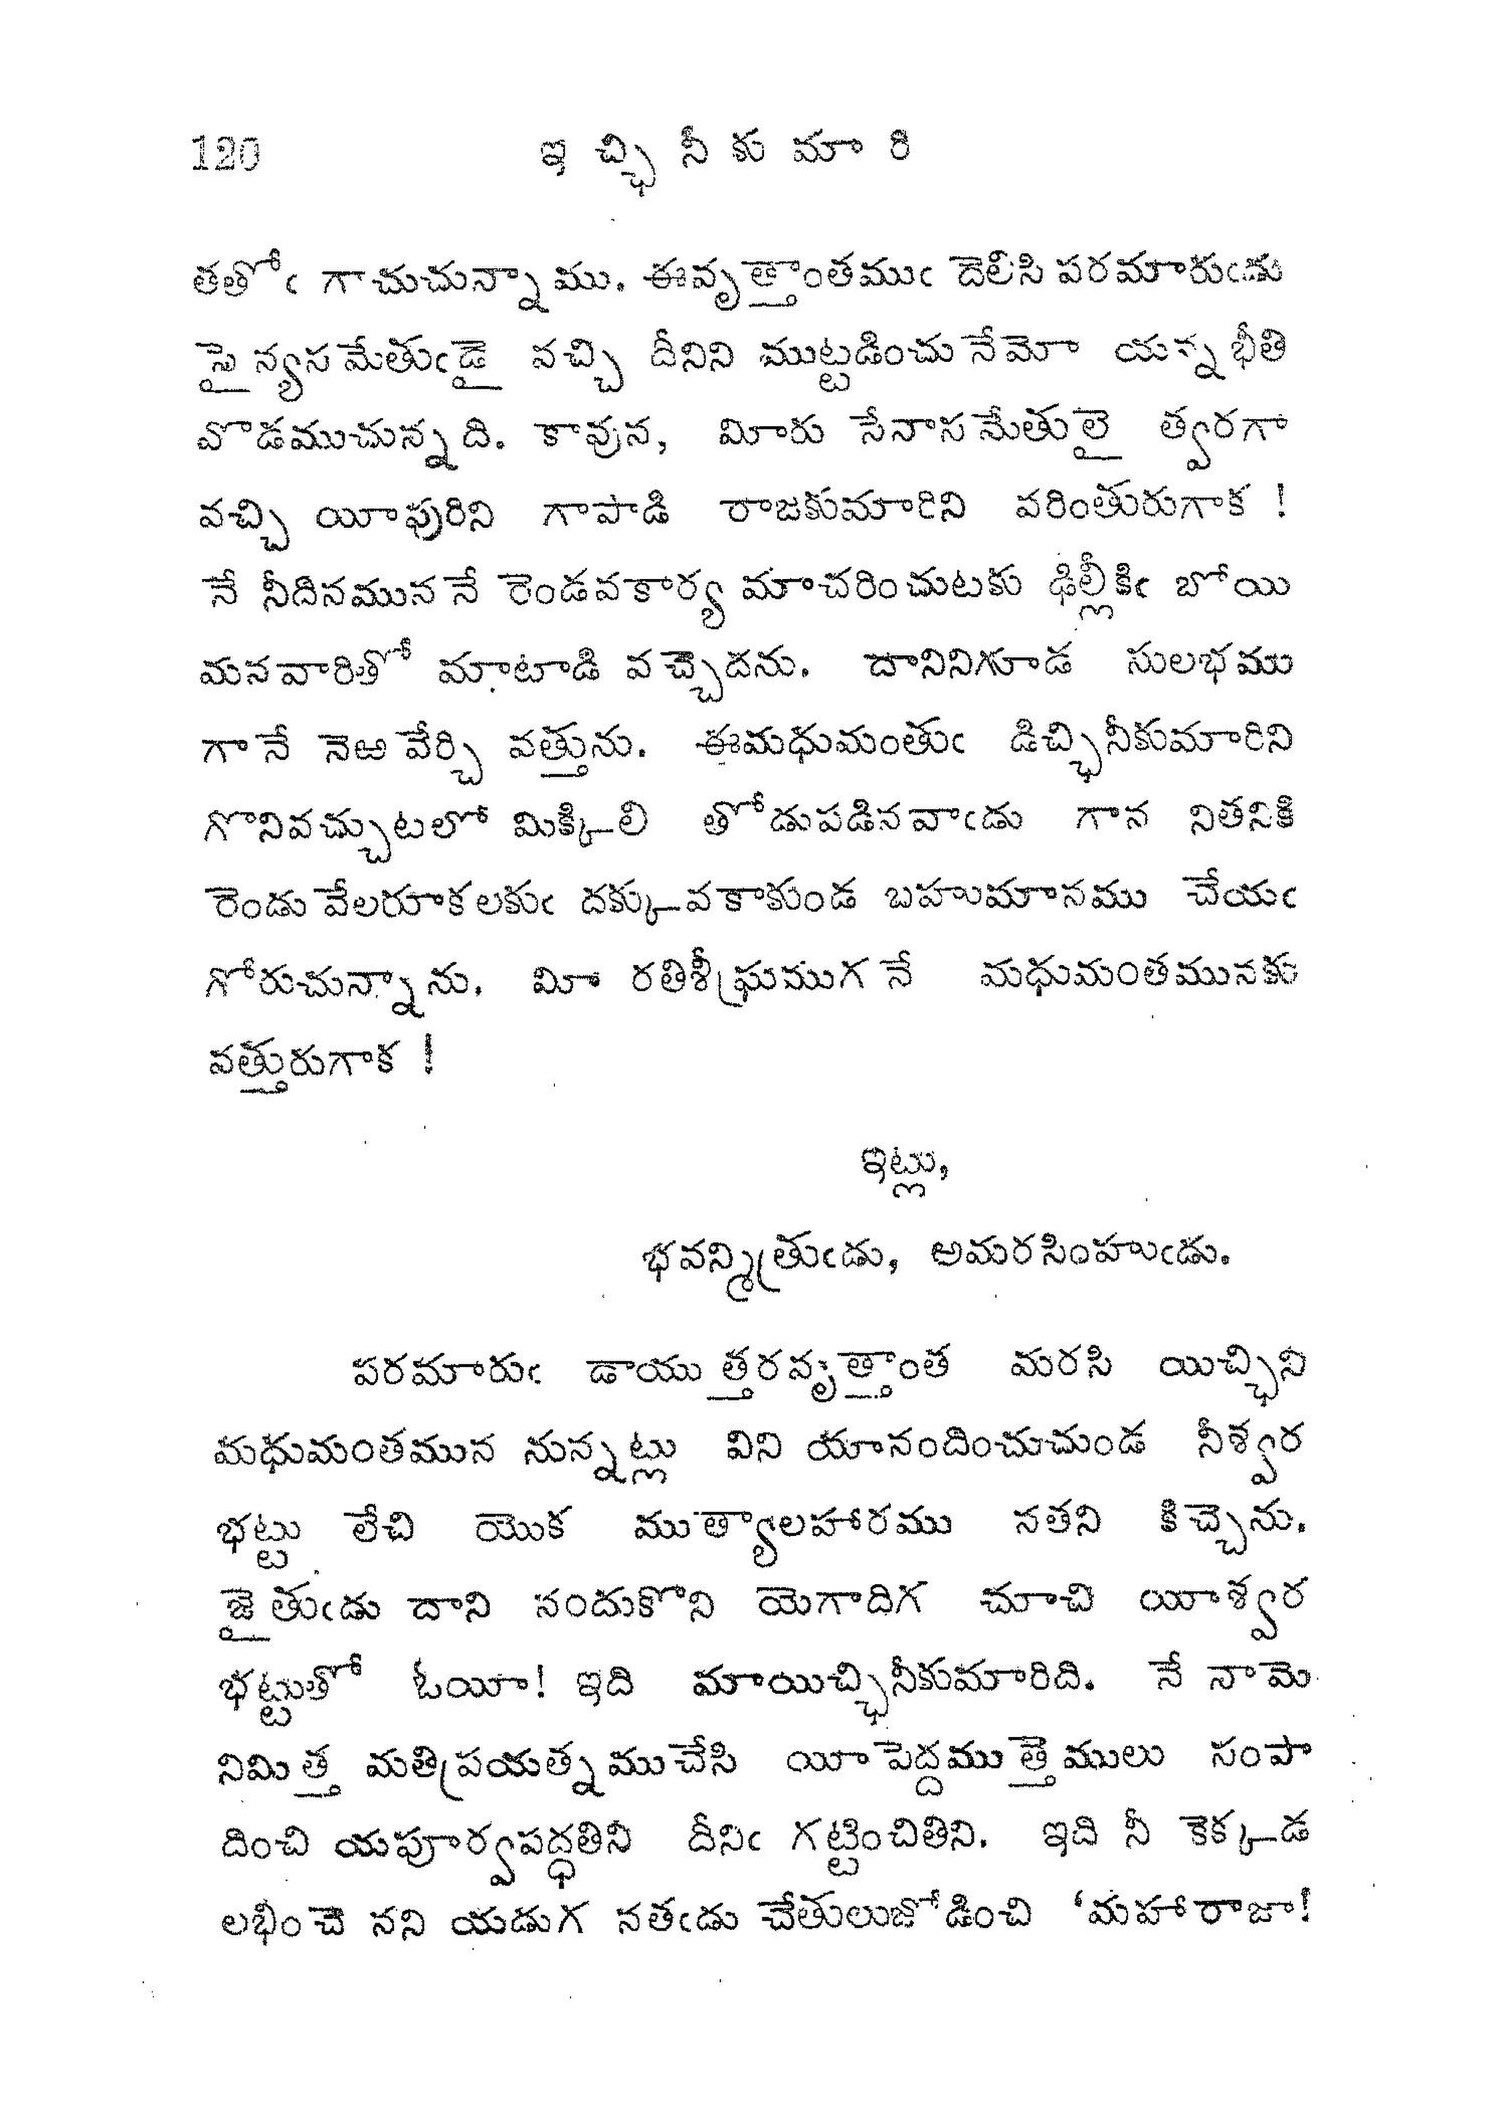తతోఁ గాచుచున్నాము. ఈ వృత్తాంతముఁ దెలిసి పరమారుఁడు సై న్యసమేతుఁడై నచ్చి దీనిని ముట్టడించు నేమో యన్న భీతి వొడముచున్నది. కావున, మీరు సేనాసమేతులై త్వరగా వచ్చి యీ పురినిగాపొడి రాజకుమారిని వరింతురుగాక ! నే నీదినమున నే రెండవ కార్య మాచరించుటకు ఢిల్లీ కిఁ బోయి మన వారితో మాటాడి వ చ్చెదను. దానినిగూడ సులభము గా నే నెఱ వేర్చి వత్తును. ఈమధుమంతుఁ డిచ్ఛినీకుమారిని గొనివచ్చుటలో మిక్కిలి తోడుపడిన వాఁడు గాన నితనికి రెండు వేలరూకలకుఁ దక్కువ కాకుండ బహుమానము చేయఁ గోరుచున్నాను. మీ రతిశీఘ్రముగ నే మధుమంతమునకు వత్తురుగాక !

పరమారుఁ డాయు శరవృత్తాంత మరసి యిచ్చిని మధుమంతమున నున్నట్లు విని యానందించుచుండ నీశ్వర భట్టు లేచి యొక ముత్యాలహారము నతని కిచ్చెను. జై తుఁడు దాని నందుకొని యెగాదిగ చూచి యీశ్వర భట్టుతో ఓయీ! ఇది మాయిచ్ఛినీకుమారిది. నే నామె నిమిత్త మతి ప్రయత్నము చేసి యీ పెద్దము త్తెములు సంపా దించి యపూర్వపద్ధతినీ దీనిఁ గట్టించితిని, ఇది నీ కెక్కడ లభించె నని యడుగ నతఁడు చేతులుజోడించి 'మహారాజా